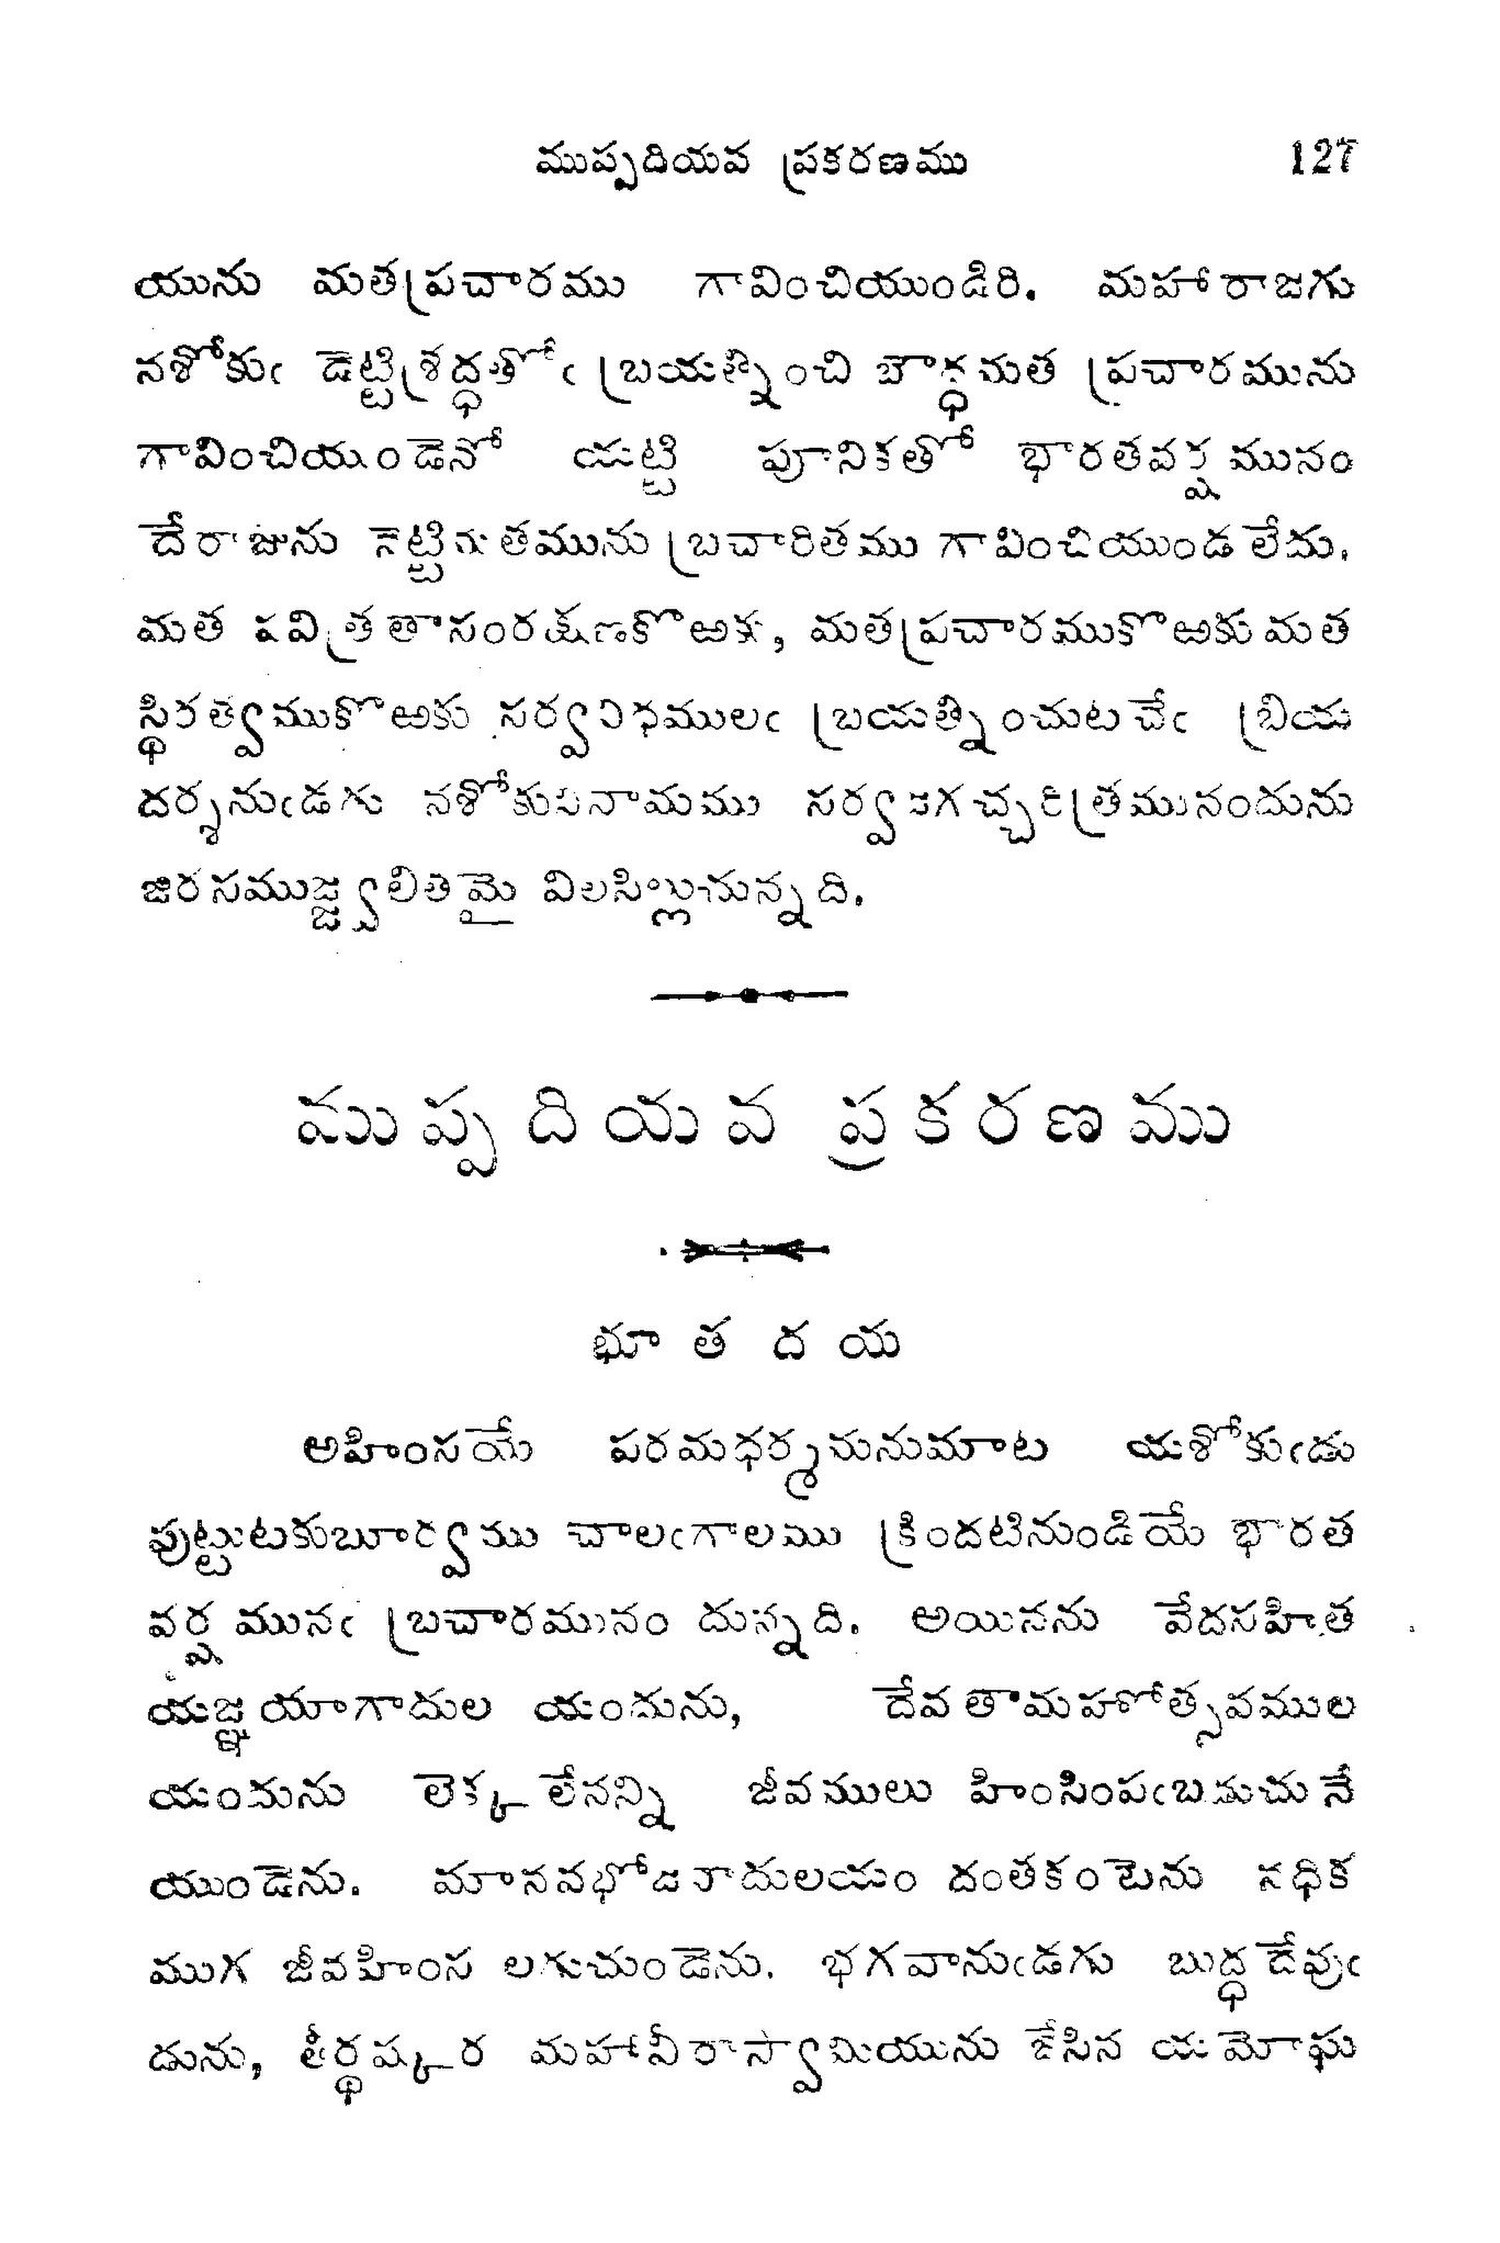యును మతప్రచారము గావించియుండిరి. మహారాజగు నశోకుఁ డెట్టి శ్రద్ధతోఁ బ్రయత్నించి బౌద్ధ మత ప్రచారమును గావించియుండెనో యట్టి పూనికతో భారతవర్షమునందేరాజును నెట్టిమతమును బ్రచారితము గావించి యుండ లేదు. మత పవిత్రతాసంరక్షణకొఱకు, మత ప్రచారముకొఱకు మత స్థిరత్వముకొఱకు సర్వవిధములఁ బ్రయత్నించుట చేఁ బ్రియ
దర్శనుఁడగు నశోకునినామము సర్వజగచ్చరిత్రము నందును జిరసముజ్జ్వలితమై విలసిల్లుతున్నది.

అహింసయే పరమధర్మమనుమాట యశోకుఁడు పుట్టుటకుబూర్వము చాలఁగాలము క్రిందటినుండియే భారత వర్షమునఁ బ్రచారమునం దున్నది. అయినను వేదసహిత
యజ్ఞయాగాదుల యందును, దేవతామహోత్సవముల యందును లెక్క లేనన్ని జీవములు హింసింపఁబడుచు నే యుండెను. మానవభోజ నాదులయం దంతకంటెను నధికముగ జీవహింస లగుచుండెను. భగవానుఁడగు బుద్ధ దేవుఁడును, తీర్థష్కర మహా వీరాస్వామియును జేసిన యమోఘ